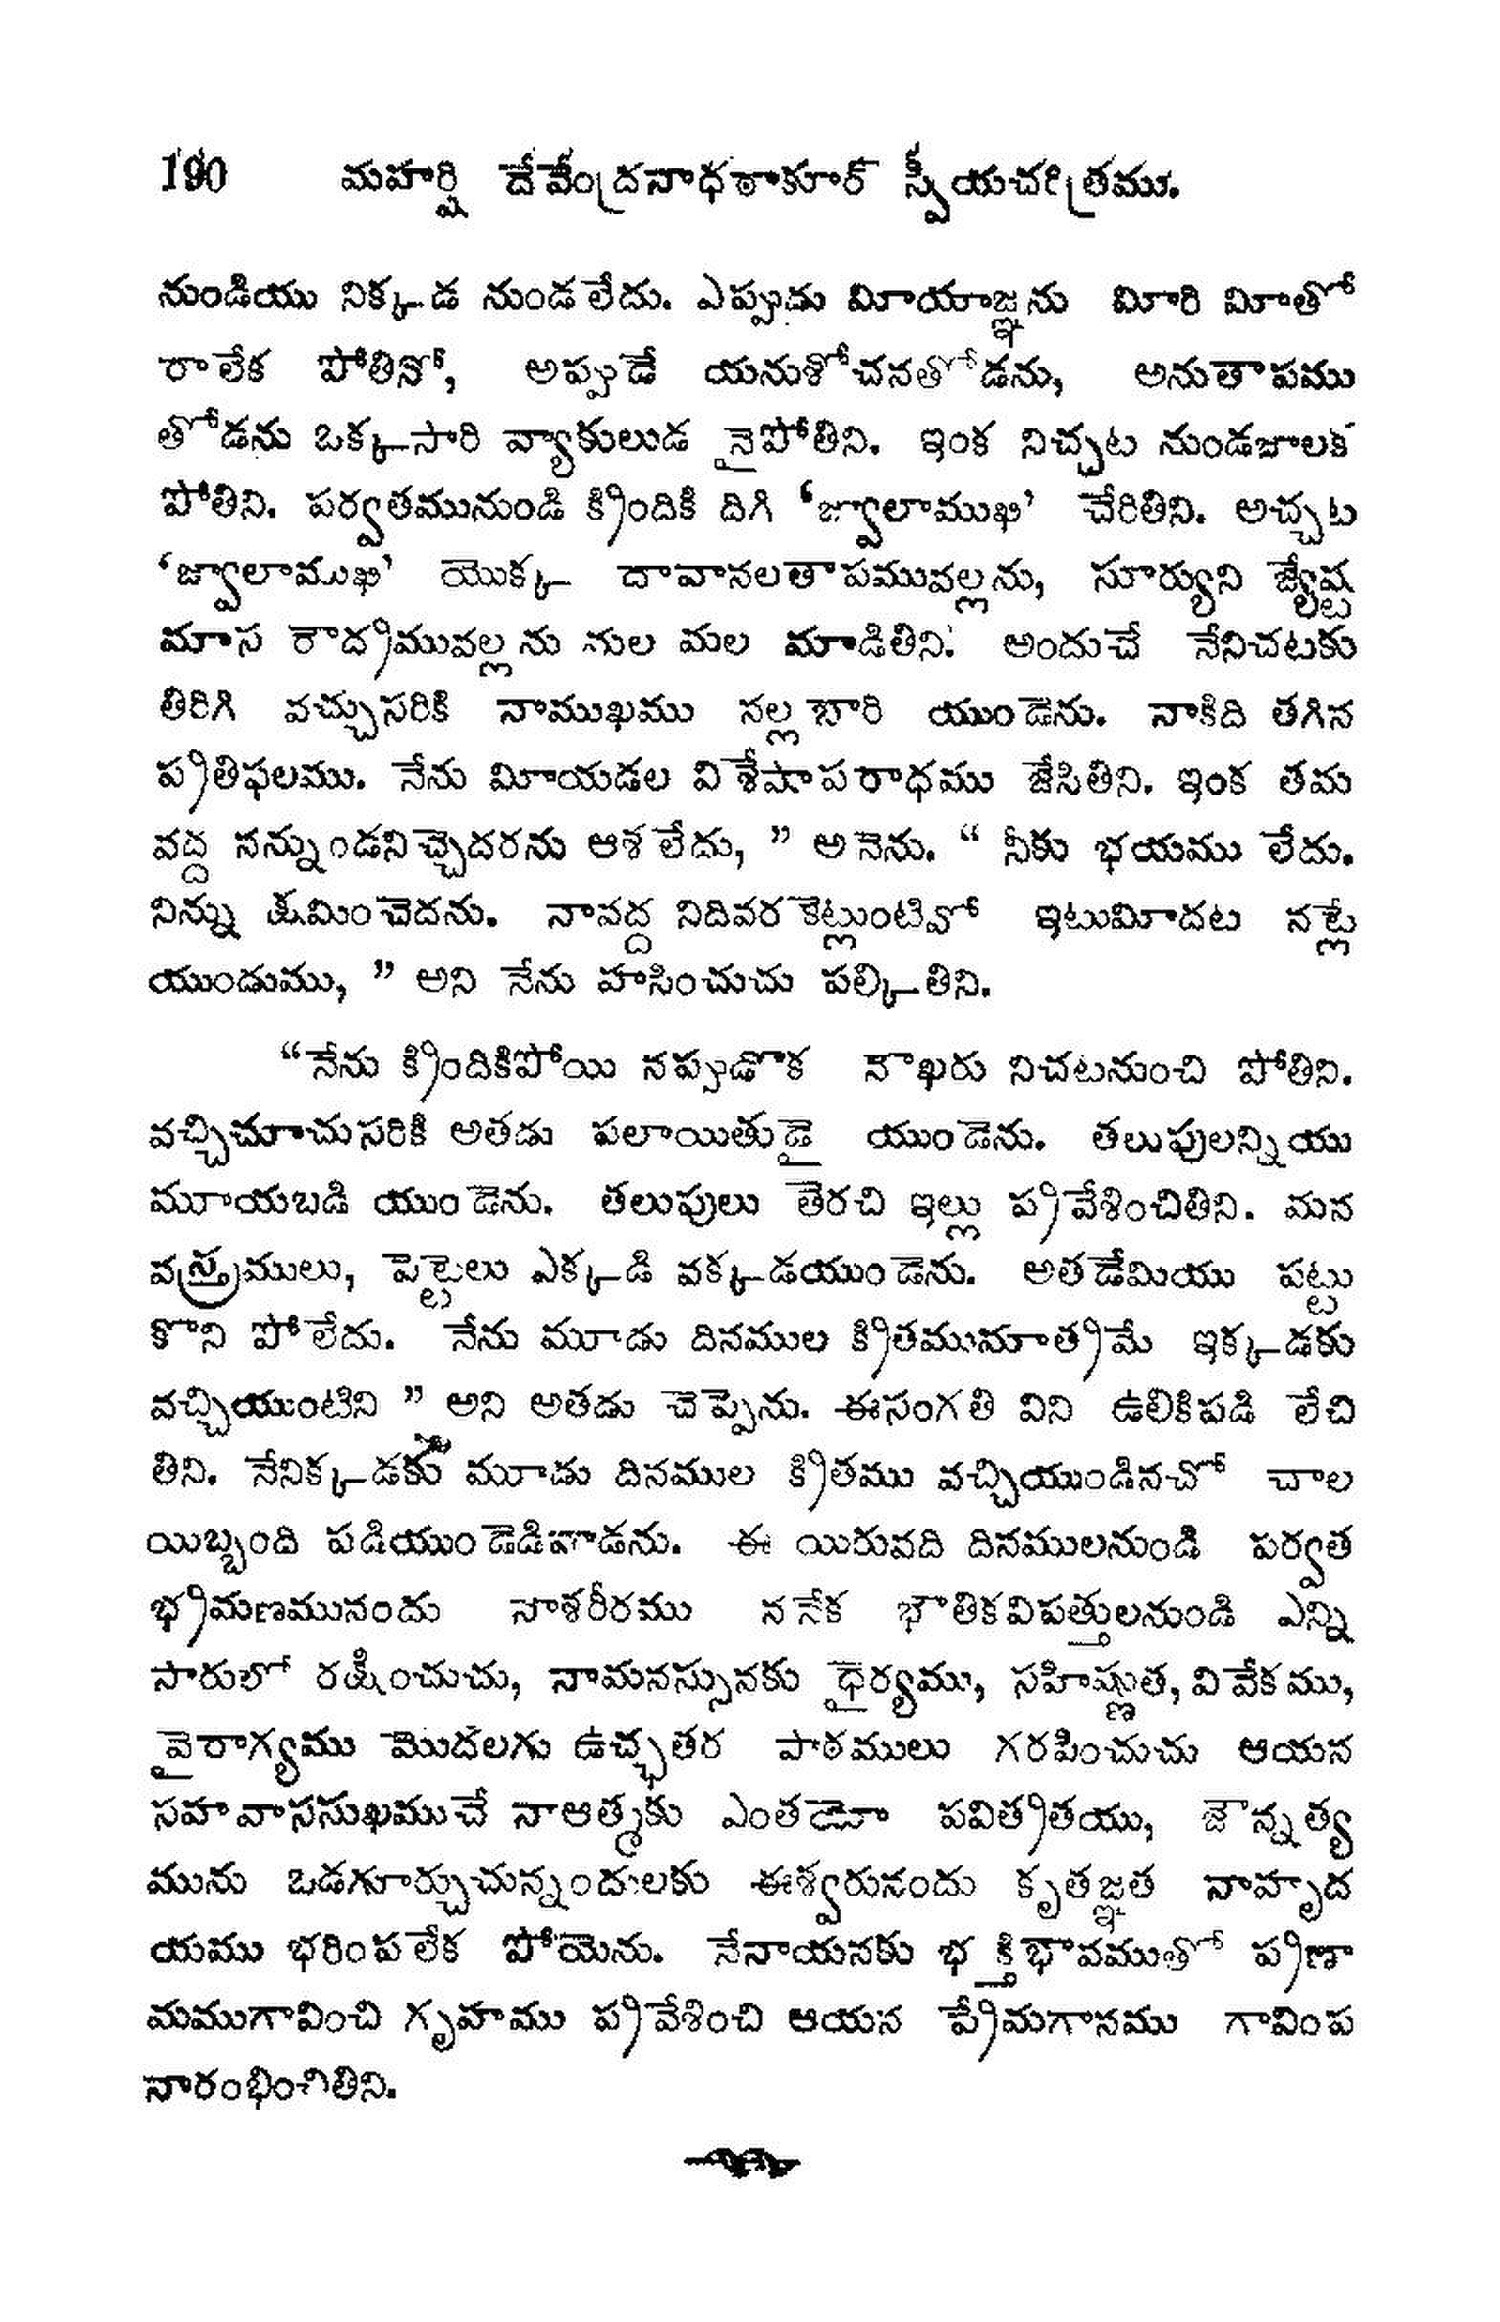నుండియు నిక్కడ నుండ లేదు. ఎప్పుడు మీయాజ్ఞను మీరి మీతో
'రా లేక పోతినో, అప్పుడే యనుశోచనతోడను, అనుతాపము
తోడను ఒక్కసారి వ్యాకులుడ నైపోతిని, ఇంక నిచ్చట నుండజూలక
పోతిని, పర్వతము నుండి కిందికి దిగి 'జ్వలాముఖి' చేరితిని. అచ్చట
' జ్వాలాముఖి యొక్క దావానల తాపమువల్లను, సూర్యుని జ్యేష్ట
మాస రౌద్రమువల్లను మల మల మాడితిని. అందుచే నేనిచటకు తిరిగి 
వచ్చుసరికి నాముఖము నల్ల బారి యుండెను. నాకిది తగిన
ప్రతిఫలము. నేను మీయడల విశేషాపరాధము జేసితిని. ఇంక తమ
వద్ద నన్నుండని చ్చెదరను ఆశ లేదు, ” అనెను. " నీకు భయము లేదు.
నీన్ను క్షమించెదను. నావద్ద నిదివర కెట్లుంటివో ఇటుమీదట నట్లే
యుండుము, అని నేను హసించుచు పల్కితిని.

“ నేను క్రింది కిపోయి నప్పుడొక నౌఖరు నిచటనుంచి పోతిని.
వచ్చిచూచు సరికీ అతడు పలాయితుడై యుండెను. తలుపులన్నియు
మూయబడి యుండెను. తలుపులు తెరచి ఇల్లు ప్రవేశించితిని. మన
వస్త్రములు, పెట్టెలు ఎక్కడి వక్కడయుండెను. అత డేమియు పట్టు
కొని పోలేదు. నేను మూడు దినముల క్రితము మాత్రమే ఇక్కడకు
వచ్చియుంటిని అని అతడు చెప్పెను. ఈ సంగతి విని ఉలికిపడి 
లేచితిని. నేనిక్కడకు మూడు దినముల క్రితము వచ్చియుండినచో 
చాలయిబ్బంది పడియుం డెడివాడను. ఈ యిరువది దినములనుండి 
పర్వతభమణమునందు నాశరీరము ననేక భౌతిక విపత్తులనుండి ఎన్ని
సారులో రక్షించుచు, నామనస్సునకు ధైర్యము, సహిష్ణుత, వివేకము,
వైరాగ్యము మొదలగు ఉచ్ఛతర పాఠములు గరపించుచు ఆయన
సహవాససుఖముచే నా ఆత్మకు ఎంతయో పవిత్రతయు, ఔన్నత్య
మును ఒడగూర్చుచున్నందలకు ఈశ్వరునందు కృతజ్ఞత నాహృద
యము భరింపలేక పోయెను. నేనాయనకు భక్తి భావముతో ప్రణా
మముగావించి గృహము ప్రవేశించి ఆయన ప్రేమగానము గావింప
నారంభించితిని.